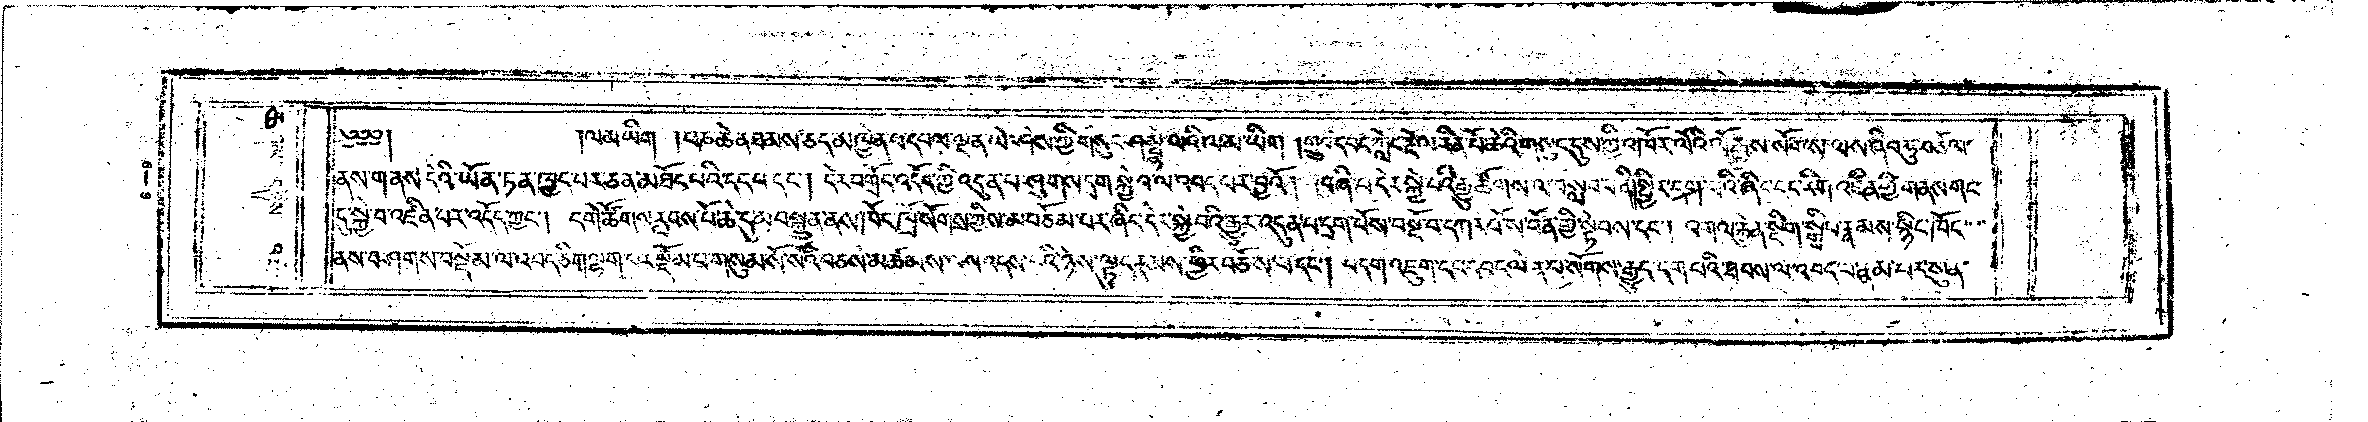༄༅༅། །ལམ་ཡག །པཎ་ཆེན་ཐམས་ཅད་མཁྱེན་པ་དཔལ་ལྡན་ཡེ་ཤེས་ཀྱི་གསུང་ཤམྦྷ་ལའི་ལམ་ཡིག །གྲུབ་དབང་ཀློང་རྡོལ་རིན་པོ་ཆེའི་གསུང་དུས་ཀྱི་འཁོར་ལོའི་ལོ་རྒྱུས་སོགས་ལས་ཞིབ་ཏུ་བཙལ་
ནས་གནས་དེའི་ཡོན་ཏན་ཁྱད་པར་ཅན་མཐོང་པའི་དད་པ་དང་། དེར་བགྲོད་འདོད་གྱི་འདུན་པ་ཤུགས་དྲག་སྐྱེའ་ལ་འབད་པར་བྱའོ། །བཞི་པ་དེར་སྐྱེ་པའི་རྒྱུ་ཚོགས་ལ་བསླབ་པ་ནི། སྤྱིར་ངག་གའི་ཞིང་དང་རིག་འཛིན་གྱི་གནས་གང་
དུ་སྐྱེ་བ་འཛིན་པར་འདོད་ཀྱང་། དགེ་ཚོགས་རླབས་པོ་ཆེ་དུ་མ་བསྐྲུན་ནས་ཁོང་ཁྲོ་སོགས་ཀྱིས་མ་བཅོམ་བར་ཞིང་དེར་སྐྱེ་བའི་རྒྱུར་འདུན་པ་དྲག་པོས་བསྔོ་བ་དཀར་པོ་ས་བོན་གྱི་སྟེབས་དང་། འགལ་རྐྱེན་སྡིག་སྒྲིབ་རྣམས་སྙིང་ཁོང་
ནས་བཤགས་བསྡོམ་ལ་འབད་ཅིག་ལྷག་པར་སྡོམ་པ་གསུམ་སོ་སོའི་བཅས་མཚམས་ལས་འདས་པའི་ཉེས་ལྟུང་རྣམས་ཕྱིར་བཅོས་པ་དང་། བདག་འཇུག་དང་དབང་ལེན་པ་སོགས་རྒྱུད་དག་པའི་ཐབས་ལ་འབད་པ་རྣམ་པར་སུན་